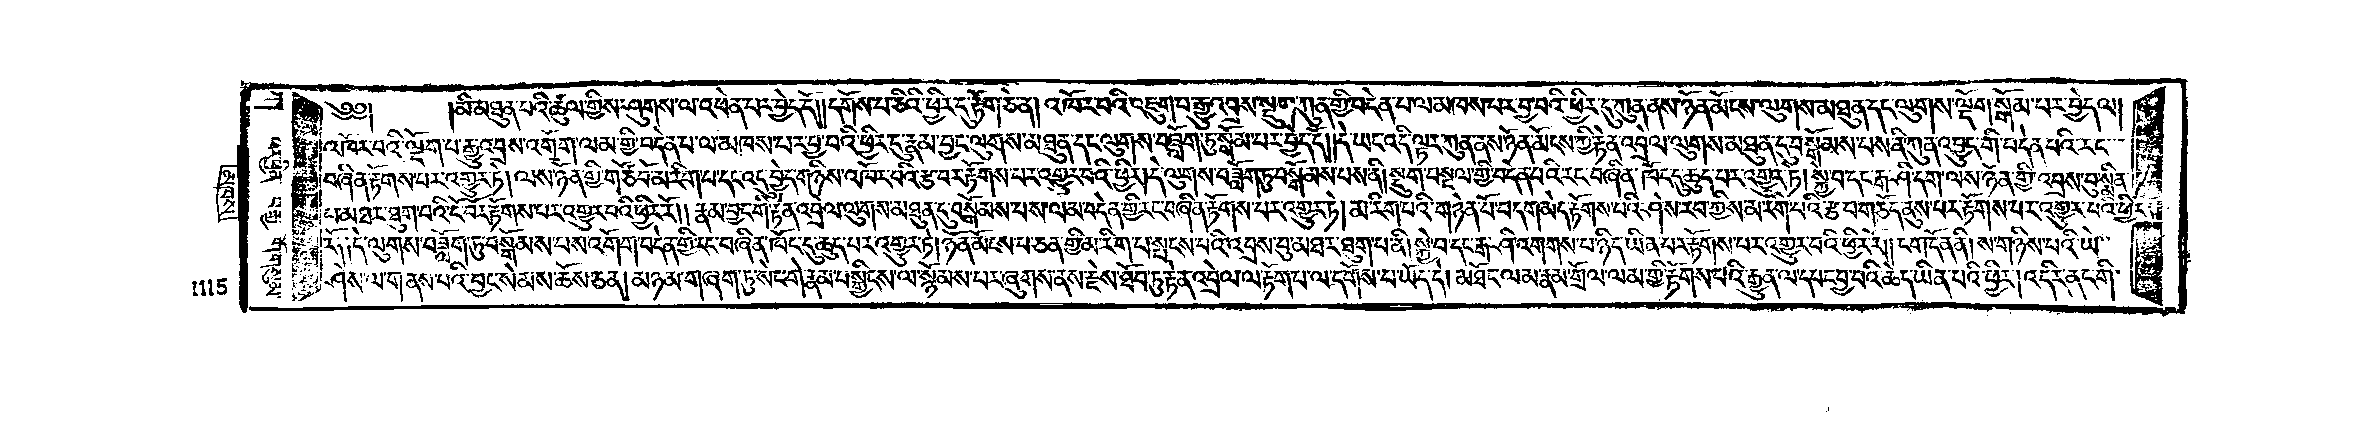༄༅། །མི་མཐུན་པའི་ཚུལ་གྱིས་ཤུགས་ལ་འཕེན་པར་བྱེད་དོ། །དགོས་པ་ཅིའི་ཕྱིར་དུ་རྟོག་ཅེ་ན། འཁོར་བའི་འཇུག་པ་རྒྱུ་འབྲས་སྡུག་ཀུན་གྱི་བདེན་པ་ལ་མཁས་པར་བྱ་བའི་ཕྱིར་དུ་ཀུན་ནས་ཉོན་མོངས་ལུགས་མཐུན་དང་ལུགས་ལྡོག་སྒོམ་པར་བྱེད་ལ།
འཁོར་བའི་ལྡོག་པ་རྒྱུ་འབྲས་འགོག་ལམ་གྱི་བདེན་པ་ལ་མཁས་པར་བྱ་བའི་ཕྱིར་དུ་རྣམ་བྱང་ལུགས་མཐུན་དང་ལུགས་བཟློག་ཏུ་སྒོམ་པར་བྱེད་དོ། །དེ་ཡང་འདི་ལྟར་ཀུན་ནས་ཉོན་མོངས་ཀྱི་རྟེན་འབྲེལ་ལུགས་མཐུན་དུ་བསྒོམས་པས་ནི་ཀུན་འབྱུང་གི་བདེན་པའི་རང་
བཞིན་རྟོགས་པར་འགྱུར་ཏེ། ལས་ཉོན་གྱི་གཙོ་བོ་མ་རིག་པ་དང་འདུ་བྱེད་གཉིས་འཁོར་བའི་རྩ་བར་རྟོགས་པར་འགྱུར་བའི་ཕྱིར། དེ་ལུགས་བཟློག་ཏུ་བསྒོམས་པས་ནི། སྡུག་བསྔལ་གྱི་བདེན་པའི་རང་བཞིན་ཁོང་དུ་ཆུད་པར་འགྱུར་ཏེ། སྐྱེ་བ་དང་རྒ་ཤི་དག་ལས་ཉོན་གྱི་འབྲས་བུ་སྨིན་
པ་མཐར་ཐུག་པའི་ངོ་བོར་རྟོགས་པར་འགྱུར་བའི་ཕྱིར་རོ། །རྣམ་བྱང་གི་རྟེན་འབྲེལ་ལུགས་མཐུན་དུ་བསྒོམས་པས་ལམ་བདེན་གྱི་རང་བཞིན་རྟོགས་པར་འགྱུར་ཏེ། མ་རིག་པའི་གཉེན་པོ་བདག་མེད་རྟོགས་པའི་ཤེས་རབ་ཀྱིས་མ་རིག་པའི་རྩ་བ་གཅོད་ནུས་པར་རྟོགས་པར་འགྱུར་པའི་ཕྱིར་
རོ༑ ༑དེ་ལུགས་བཟློག་ཏུ་བསྒོམས་པས་འགོག་བདེན་གྱི་རང་བཞིན་ཁོང་དུ་ཆུད་པར་འགྱུར་ཏེ། ཉོན་མོངས་པ་ཅན་གྱི་མ་རིག་པ་སྤངས་པའི་འབྲས་བུ་མཐར་ཐུག་པ་ནི། སྐྱེ་བ་དང་རྒ་ཤི་འགགས་པ་ཉིད་ཡིན་པར་རྟོགས་པར་འགྱུར་བའི་ཕྱིར་རོ། །ངག་དོན་ནི། ས་གཉིས་པའི་ཡེ་
ཤེས་ལ་གནས་པའི་བྱང་སེམས་ཆོས་ཅན། མཉམ་གཞག་ཏུ་སེང་གེ་རྣམ་པ་བསྒྱིངས་ལ་སྙོམས་པར་ཞུགས་ནས་རྗེས་ཐོབ་ཏུ་རྟེན་འབྲེལ་ལ་རྟོག་པ་ལ་དགོས་པ་ཡོད་དེ། མཐོང་ལམ་རྣམ་གྲོལ་ལམ་གྱི་རྟོགས་པའི་རྒྱུན་ལ་དབང་བྱ་བའི་ཆེད་ཡིན་པའི་ཕྱིར། འདིར་ནང་གི་